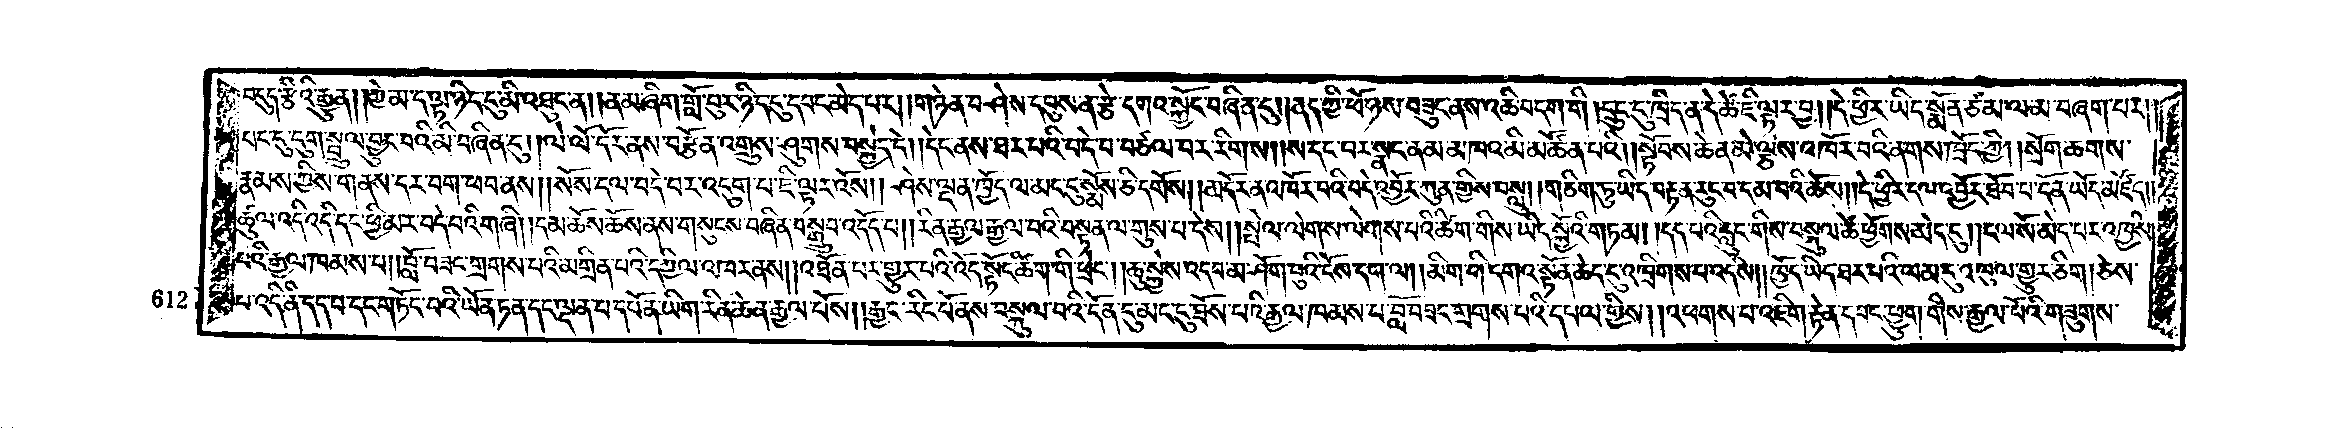བདུད་རྩིའི་རྒྱུན། །ཀྱེ་མ་ད་ལྟ་ཉིད་དུ་མི་འཐུང་ན། །ནམ་ཞིག་གློ་བུར་ཉིད་དུ་དབང་མེད་པར། །གཉེན་བཤེས་དབུས་ན་རྩེ་དགའ་སྐྱོང་བཞིན་དུ། །ནད་ཀྱི་ཕོ་ཉས་བཟུང་ནས་འཆི་བདག་གི །དྲུང་དུ་ཁྲིད་ན་དེ་ཚེ་ཇི་ལྟར་བྱ། །དེ་ཕྱིར་ཡིད་སྨོན་ཙམ་ལ་མ་བཞག་པར།།
པང་དུ་དུག་སྦྲུལ་བྱུང་བའི་མི་བཞིན་དུ། །ལེ་ལོ་དེར་ནས་བརྩོན་འགྲུས་ཤུགས་བསྐྱེད་དེ། །དེང་ནས་ཐར་པའི་བདེ་བ་བཙལ་བར་རིགས། །ས་དང་བར་སྣང་ནམ་མཁའ་མི་མཚོན་པའི། །སྟོབས་ཆེན་མེ་ལྕེས་འཁོར་བའི་ནགས་ཁྲོད་ཀྱི། །སྲོག་ཆགས་
རྣམས་ཀྱིས་གནས་དར་བག་ཕབ་ནས། །སོས་དལ་བདེ་བར་འདུག་པ་ཇི་ལྟར་འོས། །ཤེས་ལྡན་ཁྱོད་ལ་མང་དུ་སྨོས་ཅི་དགོས། །མདོར་ན་འཁོར་བའི་བདེ་འབྱོར་ཀུན་གྱིས་བསླུ། །གཅིག་ཏུ་ཡིད་བརྟན་རུང་བ་དམ་པའི་ཆོས། །དེ་ཕྱིར་དལ་འབྱོར་ཐོབ་པ་དོན་ཡོད་མཛོད།།
ཚུལ་འདི་འདི་དང་ཕྱི་མར་བདེ་བའི་གཞི། །དམ་ཆོས་ཆོས་ནས་གསུངས་བཞིན་བསྒྲུབ་འདོད་པ། །རིན་རྒྱལ་རྒྱལ་བའི་བསྟན་ལ་གུས་པ་དེས། །སྤེལ་ལེགས་ལེགས་པའི་ཚིག་གིས་ཡིད་སྐྱོའི་གཏམ། །དད་པའི་རླུང་གིས་བསྐུལ་ཚེ་ཕྱོགས་མེད་དུ། །ངལ་སོ་མེད་པར་འཁྱིས་
པའི་རྒྱལ་ཁམས་པ། །བློ་བཟང་གྲགས་པའི་མགྲིན་པའི་དཀྱིལ་འཁོར་ནས། །འཐོན་པར་གྱུར་པའི་འོད་སྟོང་ཚིག་གི་ཕྲེང་། །ཆུ་སྐྱེས་འདབ་མ་ཤོག་བུའི་ངོས་དག་ལ། །མིག་གི་དགའ་སྟོན་ཆེད་དུ་འཁྲིགས་པ་འདིས། །ཁྱོད་ཡིད་ཐར་པའི་ལམ་དུ་འཁུལ་གྱུར་ཅིག །ཅེས་
པ་འདི་ནི་དད་པ་དང་གཏོང་པའི་ཡོན་ཏན་དང་ལྡན་པ་དཔོན་ཡིག་རིན་ཆེན་རྒྱལ་པོས། །རྒྱང་རིང་པོ་ནས་བསྐུལ་བའི་དོན་དུ་མང་དུ་ཐོས་པའི་རྒྱལ་ཁམས་པ་བློ་བཟང་གྲགས་པའི་དཔལ་གྱིས། །འཕགས་པ་འཇིག་རྟེན་དབང་ཕྱུག་གིས་རྒྱལ་པོའི་གཟུགས་